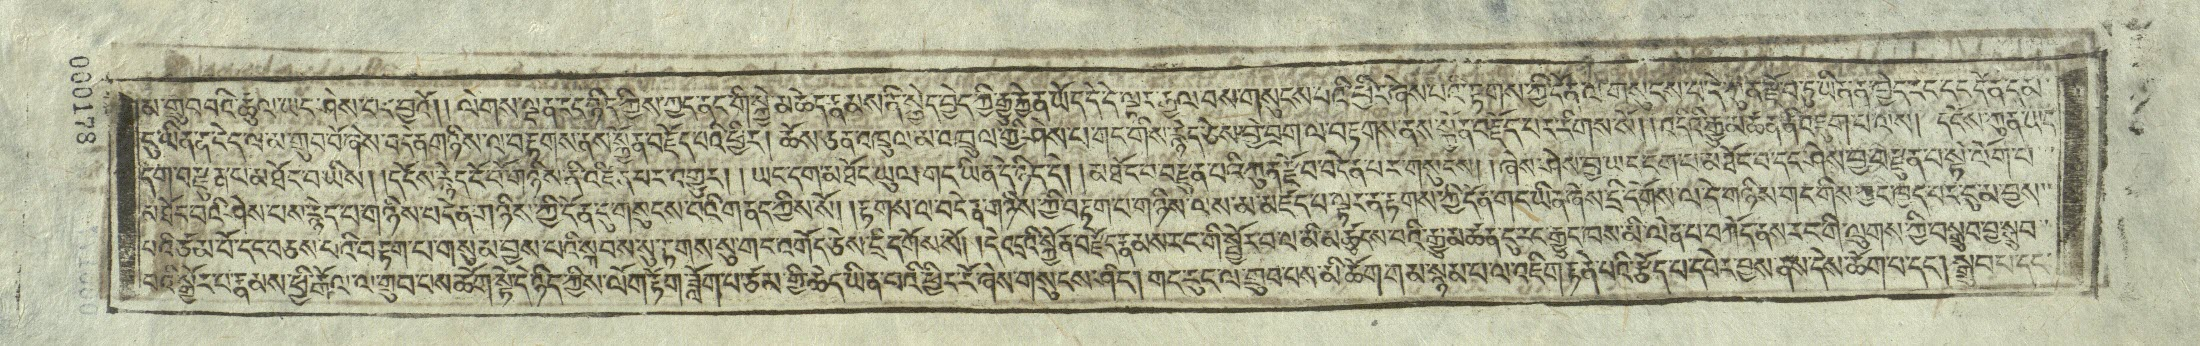མ་གྲུབ་པའི་ཚུལ་ཡང་ཤེས་པར་བྱའོ། །ལེགས་ལྡན་རང་ཉིད་ཀྱིས་ཀྱང་ནང་གི་སྐྱེ་མཆེད་རྣམས་ནི་སྐྱེད་བྱད་ཀྱི་རྒྱུ་རྐྱེན་ཡོད་དེ་དེ་ལྟར་རྒྱལ་བས་གསུངས་པའི་ཕྱིར་ཞེས་བའི་རྟགས་ཀྱི་དོན་ལ་གསུངས་པ་དེ་ཀུན་རྫོབ་ཏུ་ཡིན་ན་ཁྱེད་རང་དང་དོན་དམ་
དུ་ཡིན་ན་ངེད་ལ་མ་གྲུབ་བོ་ཞེས་བདེན་གཉིས་ལ་བརྟགས་ནས་སྐྱོན་བརྗོད་པའི་ཕྱིར། ཆོས་ཅན་འཁྲུལ་མ་འཁྲུལ་གྱི་ཤེས་པ་གང་གིས་རྙེད་ཅེས་བྱེད་བྲག་ལ་བརྟགས་ནས་སྐྱོན་བརྗོད་པར་རིགས་སོ། །འདིའི་རྒྱུ་མཚན་ནི་འཇུག་པ་ལས། དངོས་ཀུན་ཡང་
དག་བརྫུན་པ་མཐོང་བ་ཡིས། །དངོས་རྙེད་ངོ་བོ་གཉིས་ནི་འཛིན་པར་འགྱུར། །ཡང་དག་མཐོང་ཡུལ་གང་ཡིན་དེ་ཉིད་དེ། །མཐོང་བ་བརྫུན་པ་ཀུན་རྫོབ་བདེན་པར་གསུངས། །ཞེས་ཤེས་བྱ་ཡང་དག་པ་མཐོང་བ་དང་ཤེས་བྱ་བརྫུན་པ་སྟེ་ལོག་པ་
མཐོང་བའི་ཤེས་པས་རྙེད་པ་གཉེས་བདེན་གཉིས་ཀྱི་དོན་དུ་གསུངས་པའི་གནད་ཀྱིས་སོ། །རྟགས་ལ་བདེན་གཉིས་ཀྱི་བརྟག་པ་གཉིས་ལས་མ་མཛད་པ་ལྟར་ན་རྟགས་ཀྱི་དོན་གང་ཡིན་ཞེས་དྲི་དགོས་ལ་དེ་གཉིས་གང་གིས་ཀྱང་ཁྱད་པར་དུ་མ་བྱས་
པའི་ཙམ་པོ་དང་བཅས་པའི་བརྟག་པ་གསུམ་བྱས་པའི་སྐབས་སུ་རྟགས་སུ་གང་འགོད་ཅེས་དྲི་དགོས་སོ། །དེ་འདྲའི་སྐྱོན་བརྗོད་རྣམས་རང་གི་སྦྱོར་བ་ལ་མི་མཚུངས་པའི་རྒྱུ་མཚན་དུ་རང་རྒྱུད་ཁས་མི་ལེན་པ་བཀོད་ནས་རང་གི་ལུགས་ཀྱི་བསྒྲུབ་བྱ་སྒྲུབ་
པའི་སྦྱོར་བ་རྣམས་ཕྱི་རྒོལ་ལ་གྲུབ་པས་ཆོག་སྟེ་དེ་ཉིད་ཀྱིས་ལག་རྟོག་ཟློག་བ་ཙམ་གྱི་ཚད་ཡིན་པའི་ཕྱིར་རོ་ཞེས་གསུངས་ཤིང་། གང་རུང་ལ་གྲུབ་པས་མི་ཆོག་གམ་སྙམ་པ་ལ་འཇིག་རྟེན་པའི་རྩོད་པ་དཔེར་བྱས་ནས་དེས་ཆོག་པ་དང་། སྒྲུབ་པ་དང་